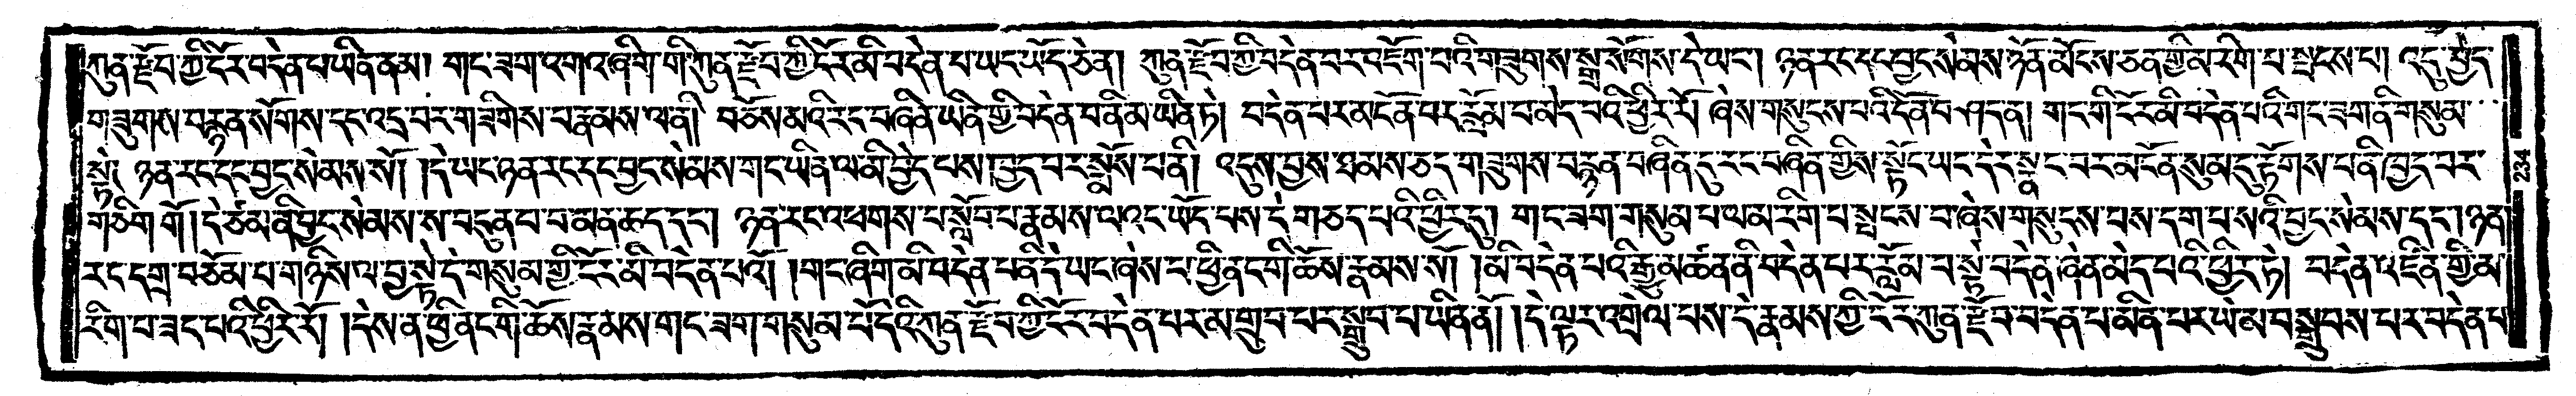ཀུན་རྫོབ་ཀྱི་ངོར་བདེན་པ་ཡིན་ནམ། གང་ཟག་འགའ་ཞིག་གི་ཀུན་རྫོབ་ཀྱི་ངོར་མི་བདེན་པ་ཡང་ཡོད་ཅེ་ན། ཀུན་རྫོབ་ཀྱི་བདེན་པར་འཇོག་པའི་གཟུགས་སྒྲ་སོགས་དེ་ཡང་། ཉན་རང་དང་བྱང་སེམས་ཉོན་མོངས་ཅན་གྱི་མ་རིག་པ་སྤངས་པ། འདུ་བྱེད་
གཟུགས་བརྙན་སོགས་དང་འདྲ་བར་གཟིགས་པ་རྣམས་ལ་ནི། བཅོས་མའི་རང་བཞིན་ཡིན་གྱི་བདེན་པ་ནི་མ་ཡིན་ཏེ། བདེན་པར་མངོན་པར་རློམ་པ་མེད་པའི་ཕྱིར་རོ། ཞེས་གསུངས་པའི་དོན་བཤད་ན། གང་གི་ངོར་མི་བདེན་པའི་གང་ཟག་ནི་གསུམ་
སྟེ༑ ཉན་རང་དང་བྱང་སེམས་སོ། །དེ་ཡང་ཉན་རང་དང་བྱང་སེམས་གང་ཡིན་ལ་མི་བྱེད་པས་ཁྱད་པར་སྨོས་པ་ནི། འདུས་བྱས་ཐམས་ཅད་གཟུགས་བརྙན་བཞིན་དུ་རང་བཞིན་གྱིས་སྟོང་ཡང་དེར་སྣང་བར་མངོན་སུམ་དུ་རྟོགས་པ་ནི་ཁྱད་པར་
གཅིག་གོ །དེ་ཙམ་ནི་བྱང་སེམས་ས་བདུན་པ་བ་མན་ཆད་དང་། ཉན་རང་འཕགས་པ་སློབ་པ་རྣམས་ལའང་ཡོད་པས་དེ་གཅད་པའི་ཕྱིར་དུ། གང་ཟག་གསུམ་པ་ལ་མ་རིག་པ་སྤངས་པ་ཞེས་གསུངས་པས་དག་པ་སའི་བྱང་སེམས་དང་། ཉན་
རང་དགྲ་བཅོམ་པ་གཉིས་ལ་བྱ་སྟེ་དེ་གསུམ་གྱི་ངོར་མི་བདེན་པའོ། །གང་ཞིག་མི་བདེན་པ་ནི་དེ་ཡང་ཞེས་པ་ཕྱི་ནང་གི་ཆོས་རྣམས་སོ། །མི་བདེན་པའི་རྒྱུ་མཚན་ནི་བདེན་པར་རློམ་པ་སྟེ་བདེན་ཞེན་མེད་པའི་ཕྱིར་ཏེ། བདེན་འཛིན་གྱི་མ་
རིག་པ་ཟད་པའི་ཕྱིར་རོ། །དེས་ན་ཕྱི་ནང་གི་ཆོས་རྣམས་གང་ཟག་གསུམ་པོ་དེའི་ཀུན་རྫོབ་ཀྱི་ངོར་བདེན་པར་མ་གྲུབ་པར་སྒྲུབ་པ་ཡིན་ནོ། །དེ་ལྟར་འགྲེལ་པས་དེ་རྣམས་ཀྱི་ངོར་ཀུན་རྫོབ་བདེན་པ་མིན་པར་ཡེ་མ་བསྒྲུབས་པར་བདེན་པ་